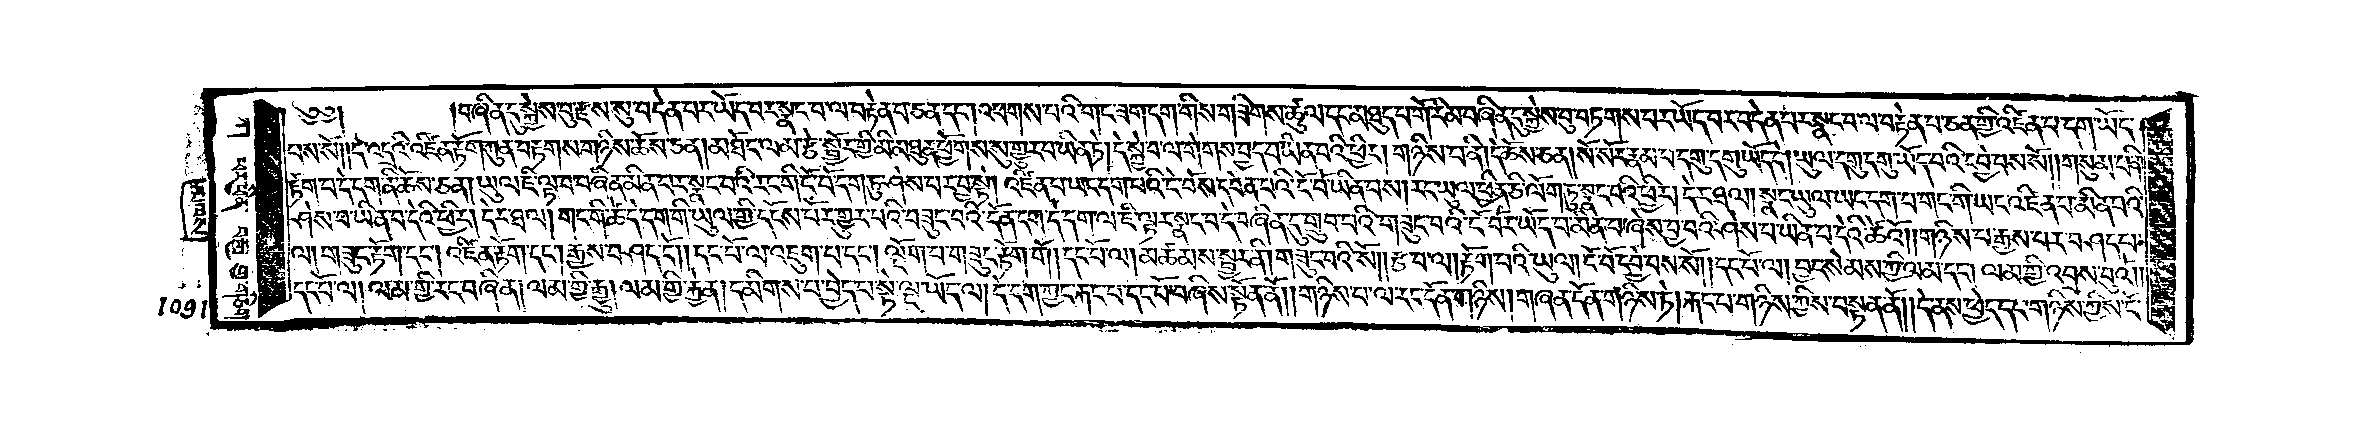༄༅། །བཞིན་དུ་སྐྱེས་བུ་རྫས་སུ་བདེན་པར་ཡོད་པར་སྣང་བ་ལ་བརྟེན་པ་ཅན་དང་། འཕགས་པའི་གང་ཟག་དག་གིས་གཟིགས་ཚུལ་དང་མཐུད་པ་གོ་རིམ་བཞིན་དུ་སྐྱེས་བུ་བཏགས་པར་ཡོད་པར་བདེན་པར་སྣང་བ་ལ་བརྟེན་པ་ཅན་གྱི་འཛིན་པ་དག་ཡོད་
པས་སོ། །དེ་འདྲའི་འཛིན་རྟོག་ཀུན་བརྟགས་གཉིས་ཆོས་ཅན། མཐོང་ལམ་རྩེ་སྦྱོར་གྱི་མི་མཐུན་ཕྱོགས་སུ་གྱུར་པ་ཡིན་ཏེ། དེ་སྐྱེ་བ་ལ་གེགས་བྱེད་པ་ཡིན་པའི་ཕྱིར། གཉིས་པ་ནི། དེ་ཆོས་ཅན། སོ་སོར་རྣམ་པ་དགུ་དགུ་ཡོད་དེ། ཡུལ་དགུ་དགུ་ཡོད་པའི་དབྱེ་བས་སོ། །གསུམ་པ་ནི་
རྟོག་པ་དེ་དག་ནི་ཆོས་ཅན། ཡུལ་ཇི་ལྟ་བ་བཞིན་མིན་པར་སྣང་བའི་རང་གི་ངོ་བོ་དག་ཏུ་ཤེས་པར་བྱ་སྟེ། འཛིན་པ་ཡང་དག་པའི་ངོ་བོས་བདེན་པའི་ངོ་བོ་ཡིན་པས། རང་ཡུལ་ཕྱིན་ཅི་ལོག་ཏུ་སྣང་བའི་ཕྱིར། དེར་ཐལ། སྣང་ཡུལ་ཡང་དག་པ་གང་གི་ཡང་འཛིན་པ་མིན་པའི་
ཤེས་པ་ཡིན་པ་དེའི་ཕྱིར། དེར་ཐལ། གང་གི་ཚེ་དེ་དག་གི་ཡུལ་གྱི་དངོས་པོར་གྱུར་པའི་བཟུང་བའི་དོན་དག་དེ་དག་ལ་ཇི་ལྟར་སྣང་བ་དེ་བཞིན་དུ་གྲུབ་པའི་གཟུང་བའི་ངོ་བོར་ཡོད་པ་མིན་པ་ཞེས་བྱ་བའི་ཤེས་པ་ཡིན་པ་དེའི་ཚེའོ། །གཉིས་པ་རྒྱས་པར་བཤད་པ་
ལ། གཟུང་རྟོག་དང་། འཛིན་རྟོག་དང་། རྒྱས་བཤད་དོ། །དང་པོ་ལ་འཇུག་པ་དང་། ལྡོག་པ་གཟུང་རྟོག་གོ། །དང་པོ་ལ། མཚམས་སྦྱར་ནི། གཟུང་བའི་སོ། །རྩ་བ་ལ། རྟོག་པའི་ཡུལ། ངོ་བོ་དབྱེ་བས་སོ། །དང་པོ་ལ། བྱང་སེམས་ཀྱི་ལམ་དང་། ལམ་གྱི་འབྲས་བུའོ། །
དང་པོ་ལ། ལམ་གྱི་རང་བཞིན། ལམ་གྱི་རྒྱུ། ལམ་གྱི་རྐྱེན། དམིགས་པ་བྱེད་པ་སྟེ་ལྔ་ཡོད་ལ། དེ་དག་ཀྱང་རྐང་པ་དང་པོ་བཞིས་སྟོན་ནོ། །གཉིས་པ་ལ་རང་དོན་གཉིས། གཞན་དོན་གཉིས་ཏེ། རྐང་པ་གཉིས་ཀྱིས་བསྟན་ནོ། །དེ་ནས་ཕྱེད་དང་གཉིས་ཀྱིས་ངོ་